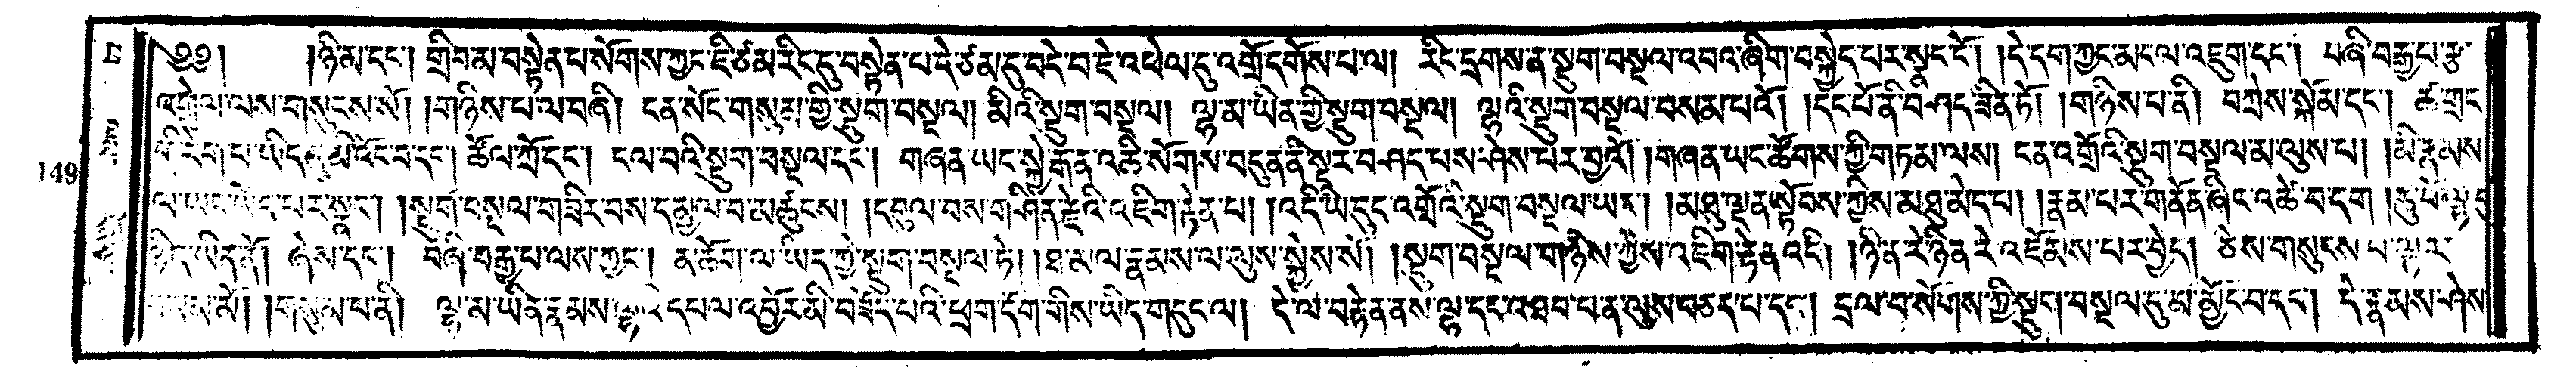༄༅། །ཉི་མ་དང་། གྲིབ་མ་བསྟེན་པ་སོགས་ཀྱང་ཇི་ཙམ་རིང་དུ་བསྟེན་པ་དེ་ཙམ་དུ་བདེ་བ་ཇེ་འཕེལ་དུ་འགྲོ་དགོས་པ་ལ། རིང་དྲགས་ན་སྡུག་བསྔལ་འབའ་ཞིག་བསྐྱེད་པར་སྣང་ངོ། །དེ་དག་ཀྱང་མངལ་འཇུག་དང་། བཞི་བརྒྱ་པ་རྩ་
འགྲེལ་ལས་གསུངས་སོ། །གཉིས་པ་ལ་བཞི། ངན་སོང་གསུམ་གྱི་སྡུག་བསྔལ། མིའི་སྡུག་བསྔལ། ལྷ་མ་ཡིན་གྱི་སྡུག་བསྔལ། ལྷའི་སྡུག་བསྔལ་བསམ་པའོ། །དང་པོ་ནི་བཤད་ཟིན་ཏོ། །གཉིས་པ་ནི། བཀྲེས་སྐོམ་དང་། ཚ་གྲང་
གི་རེག་པ་ཡིད་དུ་མི་འོང་བ་དང་། ཚོལ་ཀྲོ་དང་། ངལ་བའི་སྡུག་བསྔལ་དང་། གཞན་ཡང་སྐྱེ་རྒ་ན་འཆི་སོགས་བདུན་ནི་སྔར་བཤད་པས་ཤེས་པར་བྱའོ། །གཞན་ཡང་ཚོགས་ཀྱི་གཏམ་ལས། ངན་འགྲོའི་སྡུག་བསྔལ་མ་ལུས་པ། །མི་རྣམས་
ལ་ཡང་ཡོད་པར་སྣང་། །སྡུག་བསྔལ་གཟིར་བས་དམྱལ་བ་མཚུངས། །དབུལ་བས་གཤིན་རྗེའི་འཇིག་རྟེན་པ། །འདི་ཡི་དུད་འགྲོའི་སྡུག་བསྔལ་ཡང་། །མཐུ་ལྡན་སྟོབས་ཀྱིས་མཐུ་མེད་པ། །རྣམ་པར་གནོན་ཞིང་འཚེ་བ་དག །ཆུ་བོ་ལྟ་བུ་
ཉིད་ཡིན་ནོ། ཞེས་དང་། བཞི་རྒྱ་པ་ལས་ཀྱང་། མཆོག་ལ་ཡིད་ཀྱེ་སྡུག་བསྔལ་ཏེ། །ཐ་མ་ལ་རྣམས་ལ་ལུས་སྐྱེས་སོ། །སྡུག་བསྔལ་གཉིས་ཀྱིས་འཇིག་རྟེན་འདི། །ཉིན་རེ་ཉིན་རེ་འཇོམས་པར་བྱེད། ཅེས་གསུངས་པ་ལྟར་
བསམ་མོ། །གསུམ་པ་ནི། ལྷ་མ་ཡིན་རྣམས་ལྷའི་དཔལ་འབྱོར་མི་བཟོད་པའི་ཕྲག་དོག་གིས་ཡིད་གདུང་ལ། དེ་ལ་བརྟེན་ནས་ལྷ་དང་འཐབ་པ་ན་ལུས་བཅད་པ་དང་། དྲལ་བ་སོགས་ཀྱི་སྡུག། བསྔལ་དུ་མ་མྱོང་བ་དང་། དེ་རྣམས་ཤེས་